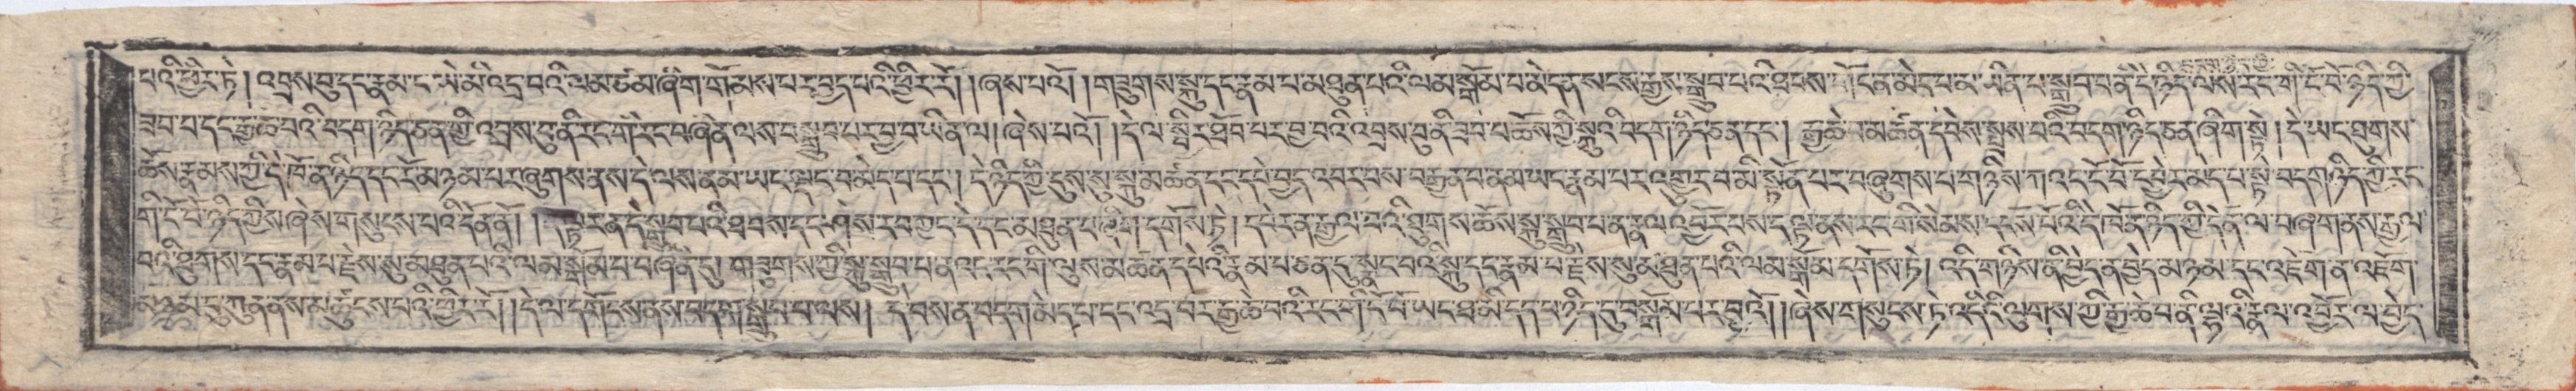པའི་ཕྱིར་ཏེ། འབྲས་བུ་དང་རྣམ་པ་ཡེ་མི་འདྲ་བའི་ལམ་ཙམ་ཞིག་གོམས་པར་བྱད་པའི་ཕྱིར་རོ། །ཞེས་པའོ། །གཟུགས་སྐུ་དང་རྣམ་པ་མཐུན་པའི་ལམ་སྒོམ་པ་མེད་ན་སངས་རྒྱས་སྒྲུབ་པའི་ཐབས་གོང་ན་མེད་པ་མ་ཡིན་པ་སྒྲུབ་པ་ནི་དེ་ཉིད་ལས་བདག་ཉིད་ཀྱི་རང་གི་ངོ་བོ་ཉིད་ཀྱི་
ཟབ་པ་དང་རྒྱ་ཆེ་བའི་བདག་ཉིད་ཅན་གྱི་འབྲས་བུ་ནི་རང་གི་རང་བཞིན་ལས་བསྒྲུབ་པར་བྱ་བ་ཡིན་ལ། ཞེས་པའོ། །དེ་ལ་སྤྱིར་ཐོབ་པར་བྱ་བའི་འབྲས་བུ་ནི་ཟབ་པ་ཆོས་ཀྱི་སྐུའི་བདག་ཉིད་ཅན་དང་། རྒྱ་ཆེ་བ་མཚན་དབེས་སྤྲས་པའི་བདག་ཉིད་ཅན་ཞིག་སྟེ། དེ་ཡང་ཐུགས་
ཆོས་རྣམས་ཀྱི་དེ་ཁོ་ན་ཉིད་དང་རོ་མཉམ་པར་ཞུགས་ནས་དེ་ལས་ནམ་ཡང་ལྡང་བ་མེད་པ་དང་། དེ་ཉིད་ཀྱི་དུས་སུ་སྐུ་མཚན་དང་དཔེ་བྱད་འབར་བས་བརྒྱན་པ་ནམ་ཡང་རྣམ་པར་འགྱུར་བ་མི་སྟོན་པར་བཞུགས་པ་གཉིས་ཀའང་ངོ་བོ་དབྱེར་མེད་པ་སྟེ་བདག་ཉིད་ཀྱི་རང་
གི་ངོ་བོ་ཉིད་ཀྱིས་ཞེས་གསུངས་པའི་དོན་ནོ། །དེ་ལྟར་ན་དེ་སྒྲུབ་པའི་ཐབས་དང་ཤེས་རབ་ཀྱང་དེ་དང་མཐུན་པ་ཞིག་དགོས་ཏེ། དཔེར་ན་རྒྱལ་བའི་ཐུས་ཆོས་སྐུ་སྒྲུབ་པ་ན་རྣལ་འབྱོར་པས་ད་ལྟ་ནས་རང་གི་སེམས་དངོས་པོའི་དེ་ཁོ་ན་ཉིད་ཀྱི་དོན་ལ་བཞག་ནས་རྒྱལ་
བའི་ཐུགས་དང་རྣམ་པ་རྗེས་སུ་མཐུན་པའི་ལམ་སྒོམ་པ་བཞིན་དུ། གཟུགས་ཀྱི་སྐུ་སྒྲུབ་པ་ནའང་རང་གི་ལུས་མཚན་དཔེའི་རྣམ་པ་ཅན་དུ་སྣང་བའི་སྐུ་དང་རྣམ་པ་རྗེས་སུ་མཐུན་པའི་ལམ་སྒོམ་དགོས་ཏེ། འདི་གཉིས་ནི་བྱེད་ན་བྱེད་མཉམ་དང་འཇོག་ན་འཇོག་
མཉམ་དུ་ཀུན་ནས་མཚུངས་པའི་ཕྱིར་རོ། །དེ་ལ་དགོངས་ནས་བདག་སྒྲུབ་པ་ལས། དེ་བས་ན་བདག་མེད་པ་དང་འདྲ་བར་རྒྱ་ཆེ་བའི་རང་གི་ངོ་བོ་ཡང་ཐ་མི་དད་པ་ཉིད་དུ་བསྒོམ་པར་བྱའོ། །ཞེས་གསུངས་ཏེ་འདིའི་ལུགས་ཀྱི་རྒྱ་ཆེ་བ་ནི་ལྷའི་རྣལ་འབྱོར་ལ་བྱེད་